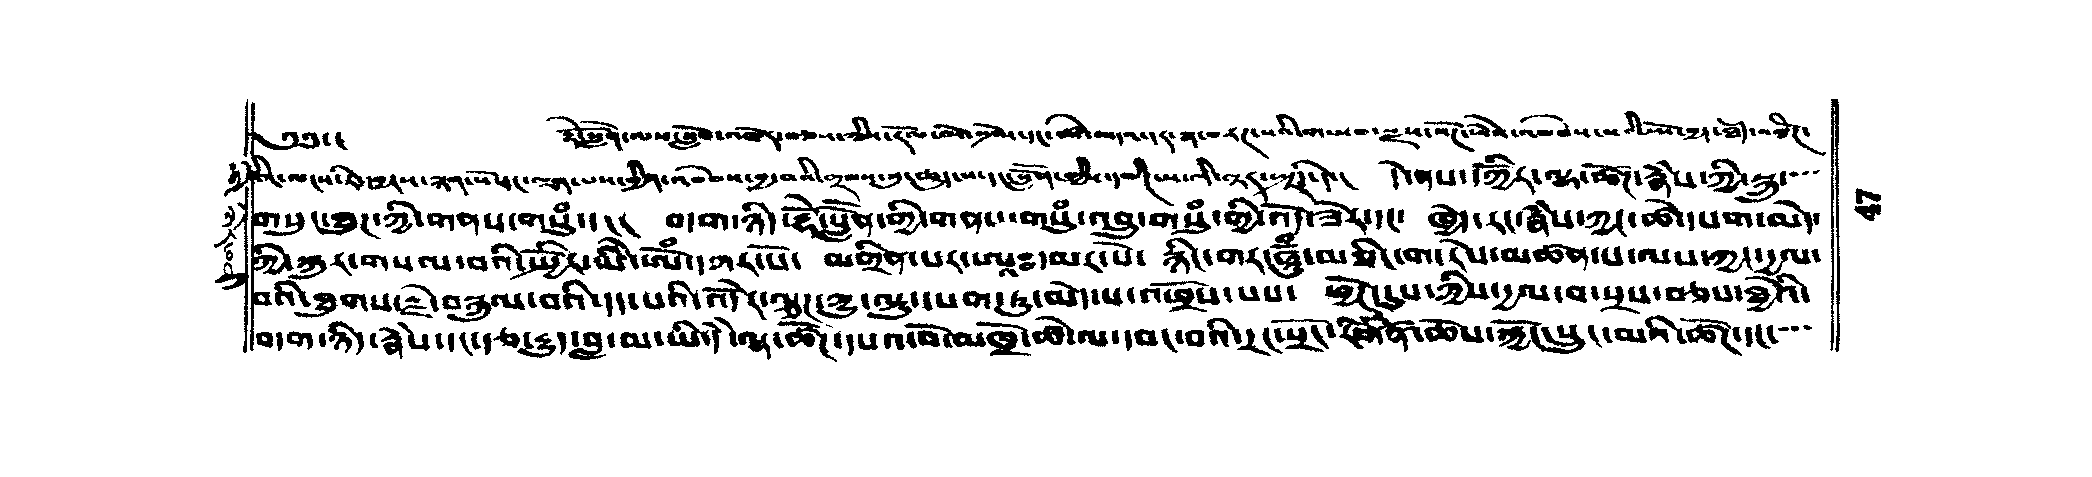རྡོ་རྗེ་སློབ་དཔོན་ལས་སློབ་འཁོར་བཅས་ཀྱིས་རོལ་མེ་སྤེལ་དང་ཚེ་མདའ་དར་སྣ་བཏགས་པའི་གཡབ་རྫས་སོགས་ཡེ་ཤེས་འབེབས་པའི་ཡོ་བྱད་ཐམས་ཅད་་་་་
ལངས་ཏེ་དབྱངས་སྙན་པོ་དང་ལྡན་པས་བྱིན་འབེབས་བྱ་བའི་ཁྲབས་སུ་ཆུད་པ་དང་སློབ་དཔོན་གྱིས་དམིགས་པ་འདི་ལྟར་སྤྲད་དེ། དེ་ནས་དཀྱིལ་འཁོར་ལྷ་ཚོགས་རྣམས་ཀྱི་སྐུ་
གསུང་ཐུགས་གནས་གསུམ་དང་། བདག་ཉིད་རྡོ་རྗེ་སློབ་དཔོཧན་གྱི་གནང་གསུམ་འབྲུ་གསུམ་གྱི་འོད་ཟེར་དང་། ཁྱེད་རང་རྣམས་ཀྱང་ཚེ་དཔག་མེད་
ཀྱི་སྐུར་གསལ་བའི་སྤྱི་བོར་ཡེ་ཤེས་ཨོཾ་དཀར་པོ། མགྲིན་པར་ཨཱཿདམར་པོ། སྙིང་གར་ཧཱུྃ་མཐིང་ག་རེས་མཚན་པ་ལས་ཀྱང་ལས་
བའི་ཐུགས་རྗེ་བསྐུལ་བའི་དད་པའི་འོད་ཟེར་ལྕགས་ཀྱུ་ལྟ་བུ་དཔག་ཏུ་མེད་པ་འཕྲོས་པས། ཕྱོགས་དུས་ཀྱིས་རྒྱལ་བ་སྲས་བཅས་ཐུགས་རྗེའི་
བདག་ཉིད་རྣམས་དང་རྩ་རྒྱུད་བླ་མ་ཡི་དམ་ལྷ་ཚོགས་དཔའ་བོ་མཁའ་འགྲོ་ཚེ་ལ་བདང་བའི་དྲང་སྲོང་རིག་འཛིན་ཆོས་སྐྱོང་སྲུང་མའི་ཚོགས་དང་།